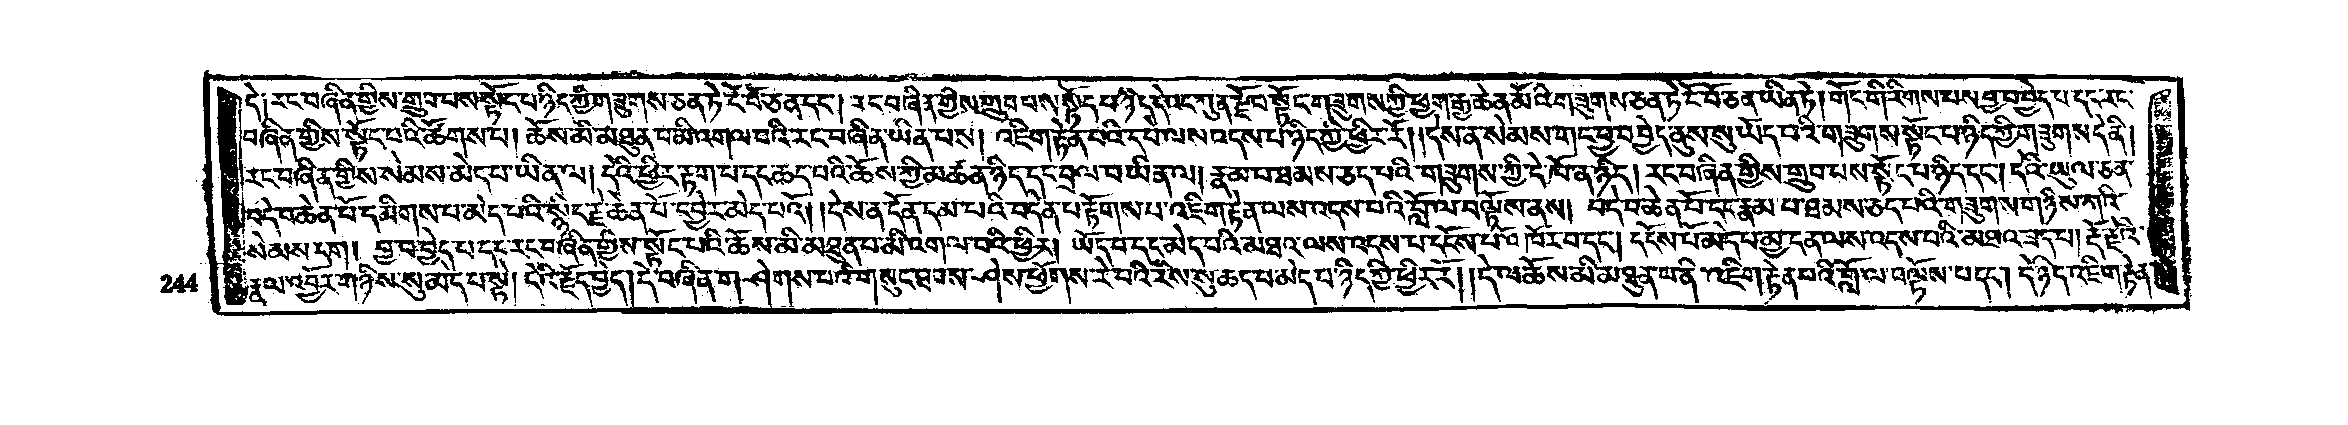དེ༑ རང་བཞིན་གྱིས་གྲུབ་པས་སྟོང་པ་ཉིད་ཀྱི་གཟུགས་ཅན་ཏེ་ངོ་བོ་ཅན་དང་། རང་བཞིན་གྱིས་གྲུབ་པས་སྟོང་པ་ཉིད་དེའང་ཀུན་རྫོབ་སྟོང་གཟུགས་ཀྱི་ཕྱག་རྒྱ་ཆེན་མོའི་གཟུགས་ཅན་ཏེ་ངོ་བོ་ཅན་ཡིན་ཏེ། གོང་གི་རིགས་པས་བྱ་བ་བྱེད་པ་དང་རང་
བཞིན་གྱིས་སྟོང་པའི་ཚོགས་པ། ཆོས་མི་མཐུན་པ་མི་འགལ་བའི་རང་བཞིན་ཡིན་པས། འཇིག་རྟེན་པའི་དཔེ་ལས་འདས་པ་ཉིད་ཀྱི་ཕྱིར་རོ། །དེས་ན་སེམས་གང་བྱ་བ་བྱེད་ནུས་སུ་ཡོད་པའི་གཟུགས་སྟོང་པ་ཉིད་ཀྱི་གཟུགས་དེ་ནི།
རང་བཞིན་གྱིས་སེམས་མེད་པ་ཡིན་ལ། དེའི་ཕྱིར་རྟག་པ་དང་ཆད་པའི་ཆོས་ཀྱི་མཚན་ཉིད་དང་བྲལ་བ་ཡིན་ལ། རྣམ་པ་ཐམས་ཅད་པའི་གཟུགས་ཀྱི་དེ་ཁོ་ན་ཉིད། རང་བཞིན་གྱིས་གྲུབ་པས་སྟོང་པ་ཉིད་དང་། དེའི་ཡུལ་ཅན་
བདེ་བ་ཆེན་པོ་དམིགས་པ་མེད་པའི་སྙིང་རྗེ་ཆེན་པོ་དབྱེར་མེད་པའོ། །དེས་ན་དོན་དམ་པའི་བདེན་པ་རྟོགས་པ་འཇིག་རྟེན་ལས་འདས་པའི་བློ་ལ་བལྟོས་ནས། བདེ་བ་ཆེན་པོ་དང་རྣམ་པ་ཐམས་ཅད་པའི་གཟུགས་གཉིས་ཀའི་
སེམས་དག །བྱ་བ་བྱེད་པ་དང་རང་བཞིན་གྱིས་སྟོང་པའི་ཆོས་མི་མཐུན་པ་མི་འགལ་བའི་ཕྱིར། ཡོད་པ་དང་མེད་པའི་མཐའ་ལས་འདས་པ་དངོས་པོ་འཁོར་བ་དང་། དངོས་པོ་མེད་པ་མྱ་ངན་ལས་འདས་པའི་མཐའ་ཟད་པ། རྡོ་རྗེའི་
རྣལ་འབྱོར་གཉིས་སུ་མེད་པ་སྟེ། དེའི་རྗོད་བྱེད། དེ་བཞིན་གཤེགས་པའི་གསུང་ཐབས་ཤེས་ཕྱོགས་རེ་བའི་རིས་སུ་ཆད་པ་མེད་པ་ཉིད་ཀྱི་ཕྱིར་རོ། །དེ་ལ་ཆོས་མི་མཐུན་པ་ནི་འཇིག་རྟེན་པའི་བློ་ལ་བལྟོས་པ་དང་། དེ་ཉིད་འཇིག་རྟེན་